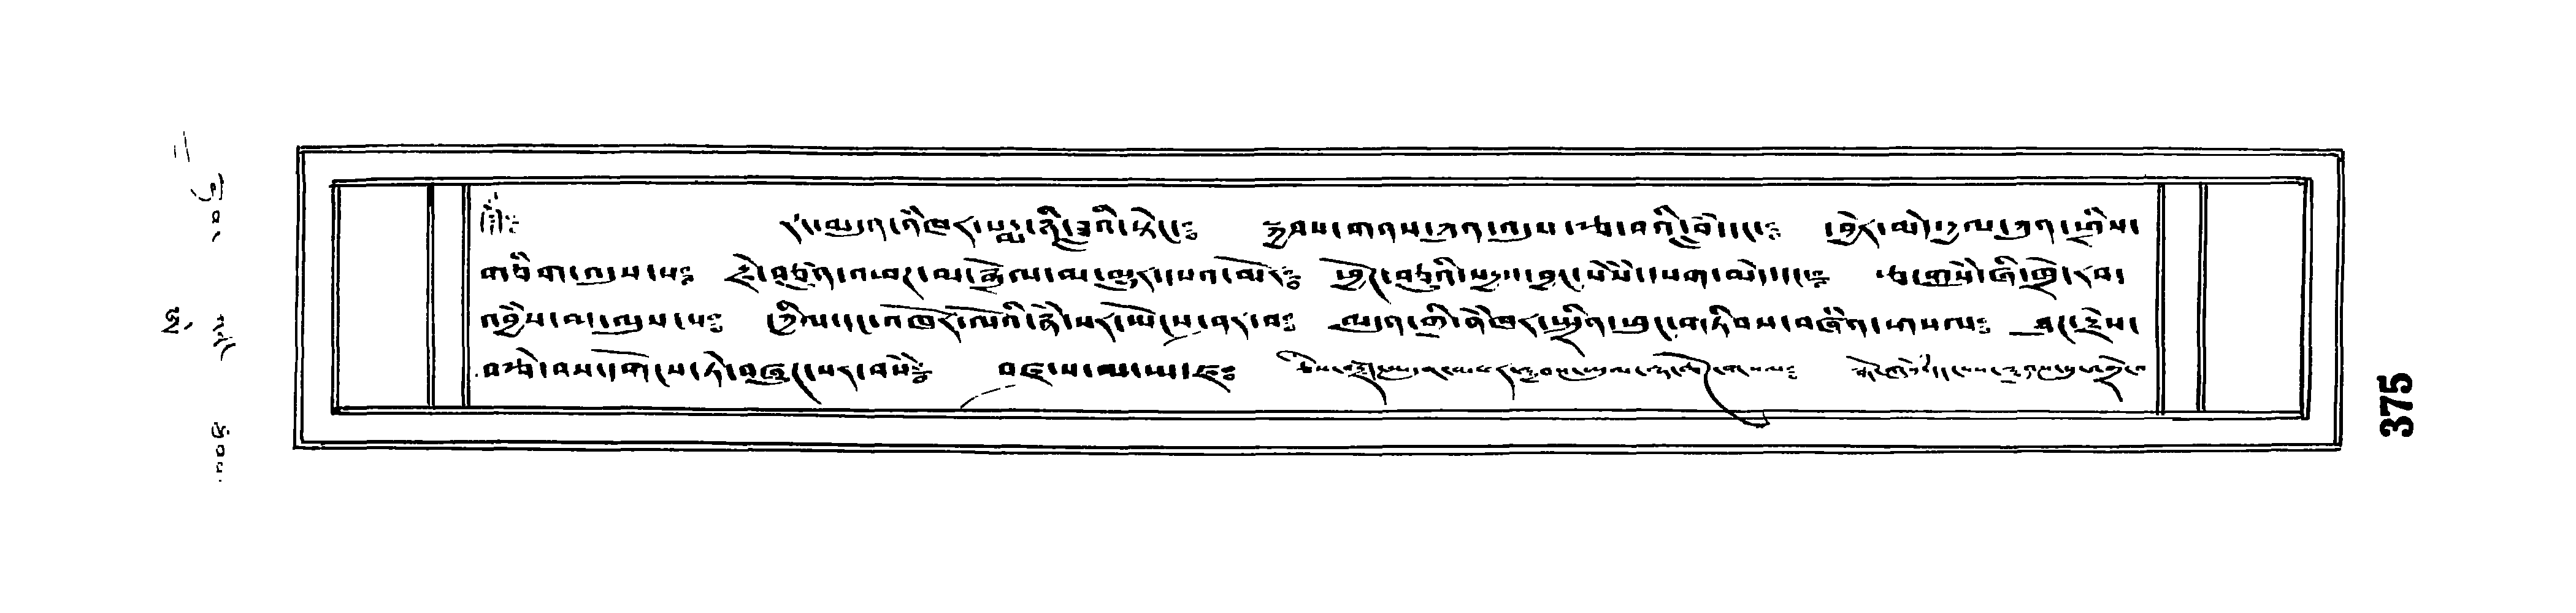རང་མདུན་ནམ་མཁར་པདྨ་ཉི་ཟླའི་སྟེང༔ སྐྱབས་གནས་ཀུན་འདུས་རྩ་བའི་བླ་མ་དང༔ དབྱེར་མེད་རྒྱལ་ཀུན་ཕྲིན་ལས་
གཅིག་འདུས་པ༔ རྗེ་བཙུན་འཕགས་མ་སྒྲོལ་མ་མྱུར་དཔའ་མོར༔ ཕྱོགས་བཅུའི་སངས་རྒྱས་བྱང་སེམས་དཔག་མེད་དང༔ རྩ་གསུམ་ཞི་ཁྲོ་རབ་
འབྱམས་མ་ལུས་པ༔ དཀྱིལ་དང་འཁོར་ལོའི་རྣམ་པར་ཡོངས་ཤར་བ༔ མདུན་གྱི་ནམ་མཁར་སྤྲིན་ཕུང་གཏིབས་བཞིན་གསལ༔ ཐུགས་རྗེས་
བརྩེ་བས་དགོངས་ཏེ་བཞུགས་པར་བསམ༔ བཛྲ་ས་མ་ཡ་ཛཿ ཅེས་བརྗོད་མདུན་མཁར་སྐྱབས་ཡུལ་ལྷ་ཚོགས་གསལ༔ སྒོ་གསུམ་དད་པས་སྐྱབས་སུ་འགྲོ་བ་